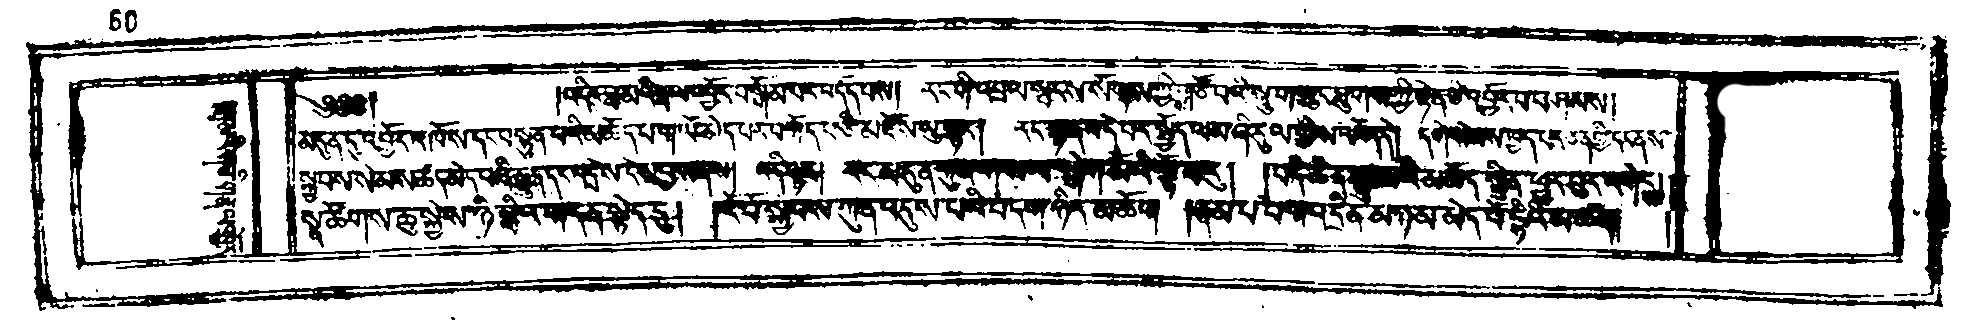༄༅༅། །འདིར་བླ་མའི་རྣལ་འབྱོར་བསྒོམ་པར་འདོད་པས། རང་གི་འབྲལ་སྤངས་སོགས་ཀྱིས་གཙོ་བའི་སྐུ་གསུང་ཐུགས་ཀྱི་རྟེན་ཅི་འབྱོར་བ་བཤམས།
མདུན་དུ་འབྱོར་འཁོས་དང་བསྟུན་པའི་མཆོད་པ་གཡོ་མེད་པར་བཀོད་པ་ཅི་མཛེས་སུ་སྟར། རང་སྟན་བདེ་བར་སྤྱོད་ལམ་ཞི་དུལ་གྱིས་འཁོད་དེ། དགེ་སེམས་ཁྱད་པར་ཅན་གྱི་ངང་ནས་
སྐྱབས་སེམས་ཚད་མེད་བཞི་རྒྱུད་དང་འདྲེས་ངེས་བྱས་ནས། འདི་ལྟར། རང་མདུན་ཀུན་གསལ་སྒེག་མོའི་ལྟོ་བ་རུ། །བདེ་ཆེན་སྒྱུ་མའི་མཆོད་སྤྲིན་ཕྱུར་བུར་འགེངས། །
སྣ་ཚོགས་ཆུ་སྐྱེས་ཉི་ཟླའི་གདན་སྟེང་དུ། །ངོ་བོ་སྐྱབས་ཀུན་འདུས་པའི་བདག་ཉིད་མཆོག །རྣམ་པ་བཀའ་དྲིན་མཉམ་མེད་པོ་དྷིའི་མཚན། །